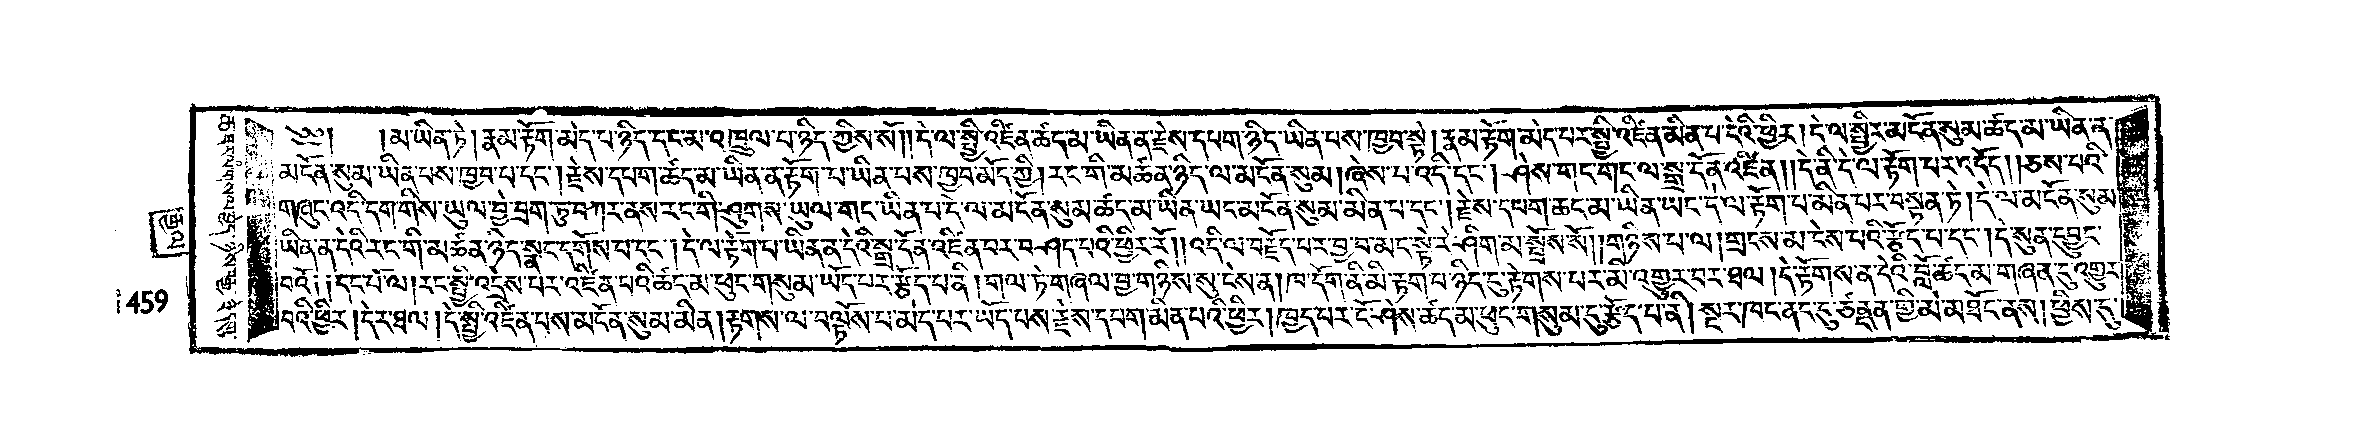༄༅། །མ་ཡིན་ཏེ། རྣམ་རྟོག་མེད་པ་ཉིད་དང་མ་འཁྲུལ་པ་ཉིད་ཀྱིས་སོ། །དེ་ལ་སྤྱི་འཛིན་ཚད་མ་ཡིན་ན་རྗེས་དཔག་ཉིད་ཡིན་པས་ཁྱབ་སྟེ། རྣམ་རྟོག་མེད་པར་སྤྱི་འཛིན་མིན་པ་དེའི་ཕྱིར། དེ་ལ་སྤྱིར་མངོན་སུམ་ཚད་མ་ཡིན་ན་
མངོན་སུམ་ཡིན་པས་ཁྱབ་པ་དང་། རྗེས་དཔག་ཚད་མ་ཡིན་ན་རྟོག་པ་ཡིན་པས་ཁྱབ་མོད་ཀྱི། རང་གི་མཚན་ཉིད་ལ་མངོན་སུམ། ཞེས་པ་འདི་དང་། ཤེས་གང་གང་ལ་སྒྲ་དོན་འཛིན། །དེ་ནི་དེ་ལ་རྟོག་པར་འདོད། །ཅས་པའི་
གཞུང་འདི་དག་གིས་ཡུལ་བྱེ་བྲག་ཏུ་བཀར་ནས་རང་གི་ཤུགས་ཡུལ་གང་ཡིན་པ་དེ་ལ་མངོན་སུམ་ཚད་མ་ཡིན་ཡང་མངོན་སུམ་མིན་པ་དང་། རྗེས་དཔག་ཚད་མ་ཡིན་ཡང་དེ་ལ་རྟོག་པ་མིན་པར་བསྟན་ཏེ། དེ་ལ་མངོན་སུམ་
ཡིན་ན་དེའི་རང་གི་མཚན་ཉིད་སྣང་དགོས་པ་དང་། དེ་ལ་རྟོག་པ་ཡིན་ན་དེའི་སྒྲ་དོན་འཛིན་པར་བཤད་པའི་ཕྱིར་རོ། །འདི་ལ་བརྗོད་པར་བྱ་བ་མང་སྟེ་རེ་ཤིག་མ་སྤྲོས་སོ། །གཉིས་པ་ལ། གྲངས་མ་ངེས་པའི་རྩོད་པ་དང་། དེ་སུན་དབྱུང་
བའོ། །དང་པོ་ལ། རང་སྤྱི་འདྲེས་པར་འཛིན་པའི་ཚད་མ་ཕུང་གསུམ་ཡོད་པར་རྩོད་པ་ནི། གལ་ཏེ་གཞལ་བྱ་གཉིས་སུ་ངེས་ན། ཁ་དོག་ནི་མི་རྟག་པ་ཉིད་དུ་རྟོགས་པར་མི་འགྱུར་བར་ཐལ། དེ་རྟོགས་ན་དེའི་བློ་ཚད་མ་གཞན་དུ་འགྱུར་
བའི་ཕྱིར། དེར་ཐལ། དེ་སྤྱི་འཛིན་པས་མངོན་སུམ་མིན། རྟགས་ལ་བལྟོས་པ་མེད་པར་ཡོད་པས་རྗེས་དཔག་མིན་པའི་ཕྱིར། ཁྱད་པར་ངོ་ཤེས་ཚད་མ་ཕུང་གསུམ་དུ་རྩོད་པ་ནི། སྔར་ཁང་ནང་དུ་ཙནྡན་གྱི་མེ་མཐོང་ནས། ཕྱིས་དུ་